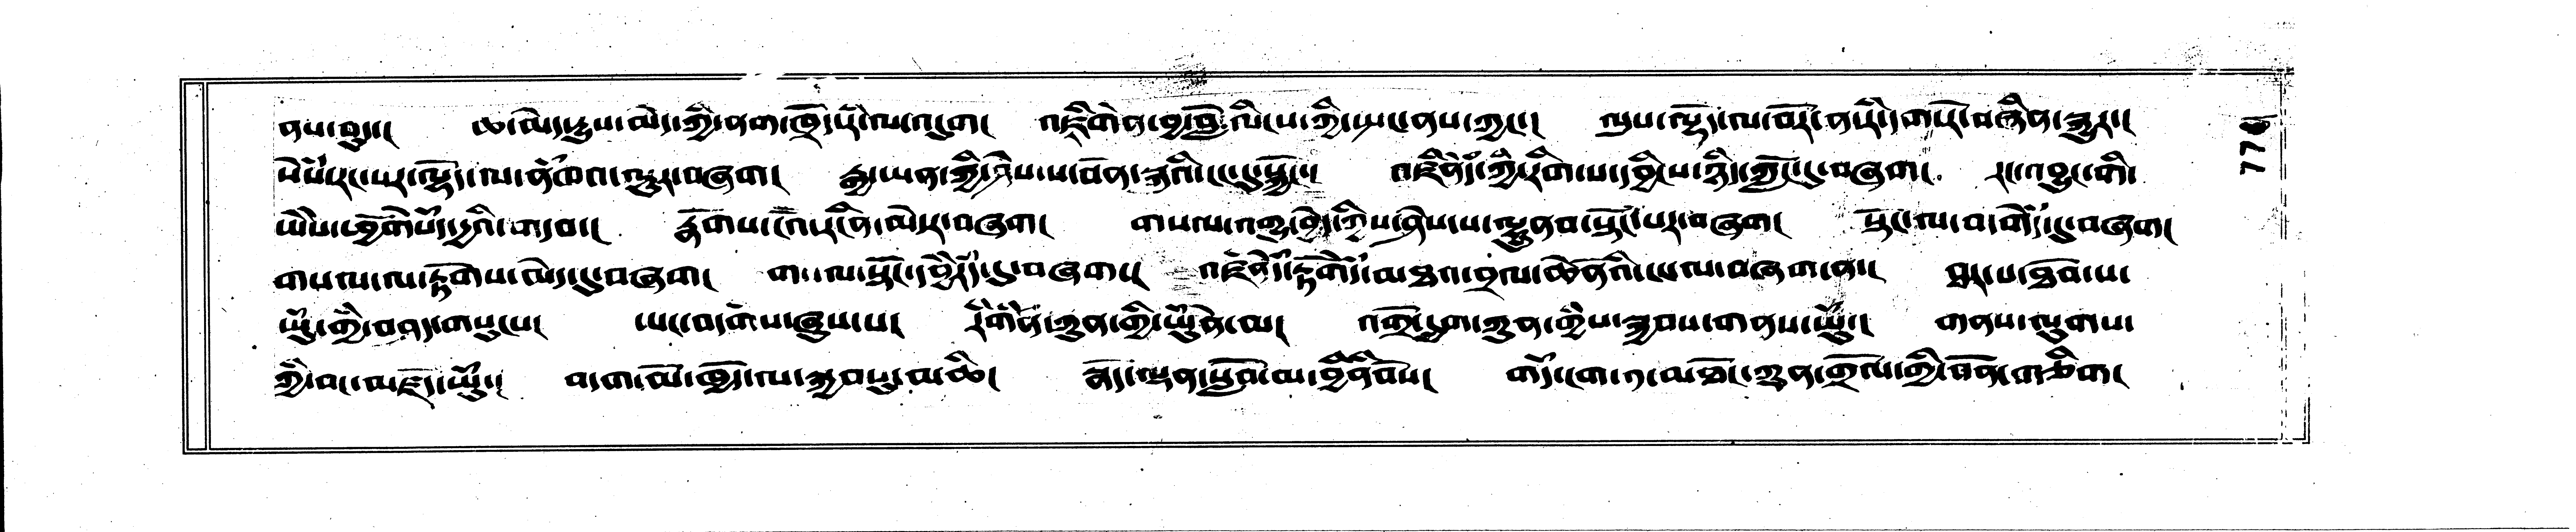ནས་བུད། ཆ་མེད་རྒྱུས་མེད་ཀྱི་ནགས་ཁྲོད་རི་ལ་འདུག འཇིག་རྟེན་བྱ་བློ་ལིང་གིས་སྤངས་ནས་ཀྱང་། ལུས་ལྷོད་ལ་བོར་ནས་རི་དྭགས་རོ་བཞིན་སྐྱུར། 
སེམས་རང་སར་ལྷོད་ལ་ནམ་མཁའ་ལྟ་བུར་བཞག རྒྱ་ཡན་གྱི་ཤེས་པ་བོན་སྐུའི་ངང་དུ་བསྐྱང། འཛིན་མེད་ཀྱི་རིག་པ་དབྱིངས་ཉིད་ཀློང་དུ་བཞག རང་འབྱུང་གི་
ཡེ་ཤེས་ཕྱོགས་མེད་རྒྱ་ཡིས་གདབ། རྣམ་རྟོག་ངོའོ་རང་བཞིན་མེད་པར་བཞག གསལ་འགྱུ་བྱེད་ཀྱིས་ཤེས་པ་ལྷུན་གྲུབ་སྟོང་པར་བཞག སྟོང་ལ་བདག་མེད་དུ་བཞག 
གསལ་ལ་རྟོག་མེད་དུ་བཞག གསལ་སྟོང་དབྱེར་མེད་དུ་བཞག འཛིན་མེད་རྟོག་མེད་མཐའ་བྲལ་ཆེན་པོའི་ངང་ལ་བཞག་ན། ཐར་པ་ཐོབ་པ་
ཡུམ་གྱིས་བཤད་གསུངས། ཡང་བདག་གིས་ཞུས་པ། རིག་འཛིན་ཀུན་གྱི་ཡུམ་ཆེན་མ། །འགྲོ་དྲུག་ཀུན་གྱི་སྐྱབས་གནས་ཡུམ། །གནས་ལུགས་
ཀྱི་བང་མཛོད་ཡུམ། །བདག་མོ་ཁྱེད་ལ་སྐྱབས་སུ་མཆི། །སྣོད་ལྡན་སློབ་མར་བྱིན་གྱིས་རློབས། གདམས་ངག་གཅིག་མཐོང་ཀུན་གྲོལ་གྱི་བོན་གཅིག་